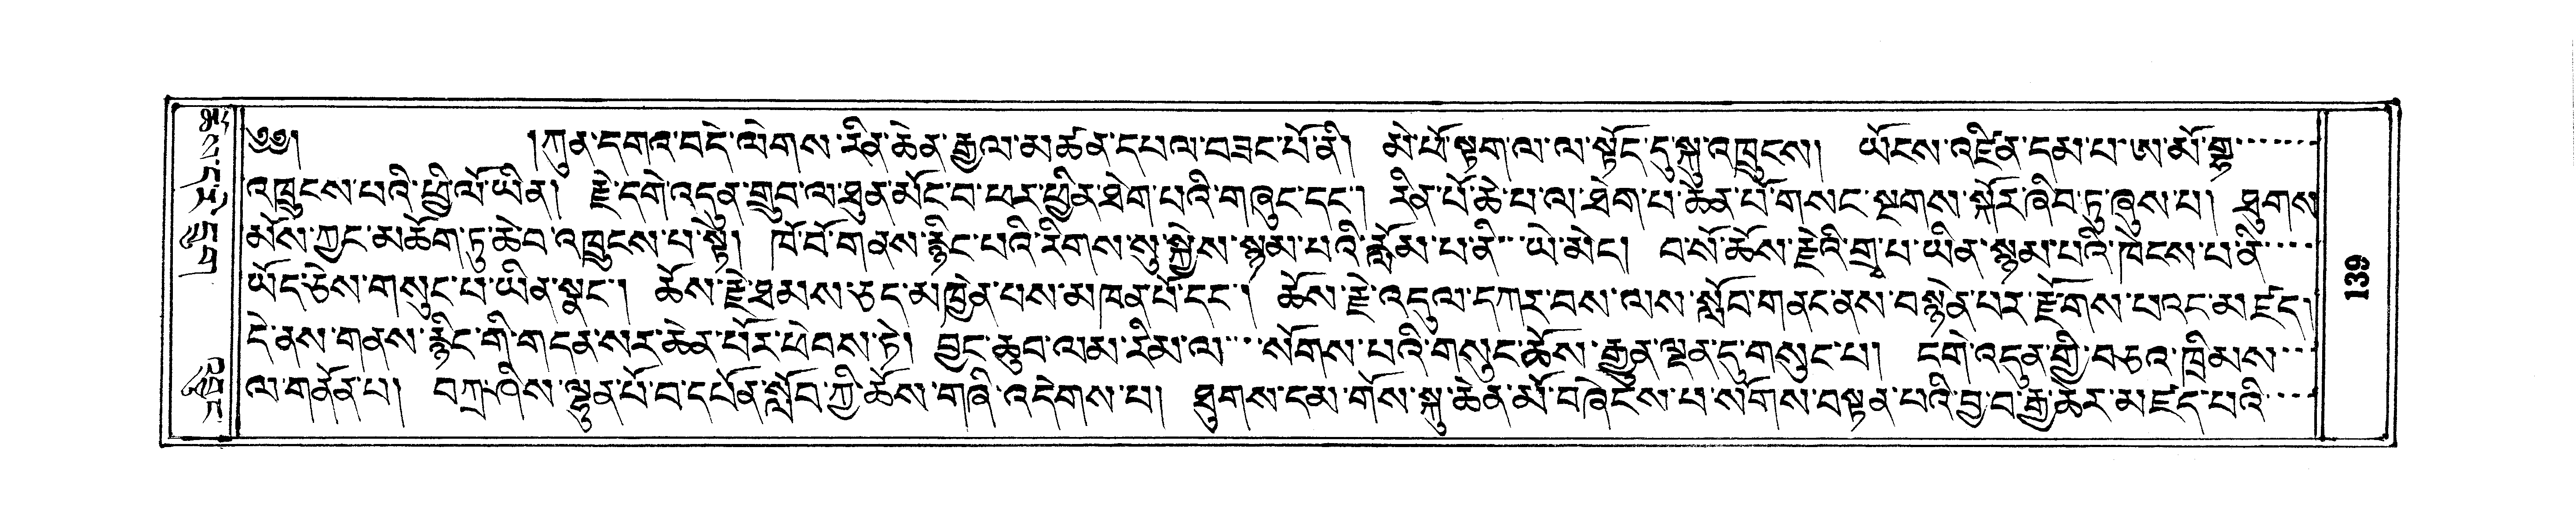༄༅། །ཀུན་དགའ་བདེ་ལེགས་རིན་ཆེན་རྒྱལ་མཚན་དཔལ་བཟང་པོ་ནི། མེ་ཕོ་སྟག་ལ་ལ་སྟོད་དུ་སྐུ་འཁྲུངས། ཡོངས་འཛིན་དམ་པ་ཨ་མོ་གྷ་
འཁྲུངས་པའི་ཕྱི་ལོ་ཡིན། རྗེ་དགེ་འདུན་གྲུབ་ལ་ཐུན་མོང་བ་ཕར་ཕྱིན་ཐེག་པའི་གཞུང་དང་། རིན་པོ་ཆེ་པ་ལ་ཐེག་པ་ཆེན་པོ་གསང་སྔགས་སྐོར་ཞིབ་ཏུ་ཞུས་པ། ཐུགས་
མོས་ཀྱང་མཆོག་ཏུ་ཆེ་བ་འཁྲུངས་པ་སྟེ། ཁོ་བོ་གནས་རྙིང་པའི་རིགས་སུ་སྐྱེས་སྙམ་པའི་རློམ་པ་ནི་ཡེ་མེད། བ་སོ་ཆོས་རྗེའི་གྲྭ་པ་ཡིན་སྙམ་པའི་ཁེངས་པ་ནི་
ཡོད་ཅེས་གསུང་པ་ཡིན་སྣང་། ཆོས་རྗེ་ཐམས་ཅད་མཁྱེན་པས་མཁན་པོ་དང་། ཆོས་རྗེ་འདུལ་དཀར་བས་ལས་སློབ་གནང་ནས་བསྙེན་པར་རྫོགས་པའང་མཛད།
དེ་ནས་གནས་རྙིང་གི་གདན་སར་ཆེན་པོར་ཕེབས་ཏེ། བྱང་ཆུབ་ལམ་རིམ་ལ་སོགས་པའི་གསུང་ཆོས་རྒྱུན་ལྡན་དུ་གསུང་པ། དགེ་འདུན་གྱི་བཅའ་ཁྲིམས་
ལ་གནོན་པ། བཀྲ་ཤིས་ལྷུན་པོ་བ་དཔོན་སློབ་ཀྱི་ཆོས་གཞི་འདེགས་པ། ཐུགས་དམ་གོས་སྐུ་ཆེན་མོ་བཞེངས་པ་སོགས་བསྟན་པའི་བྱ་བ་རྒྱ་ཆེར་མཛད་པའི་